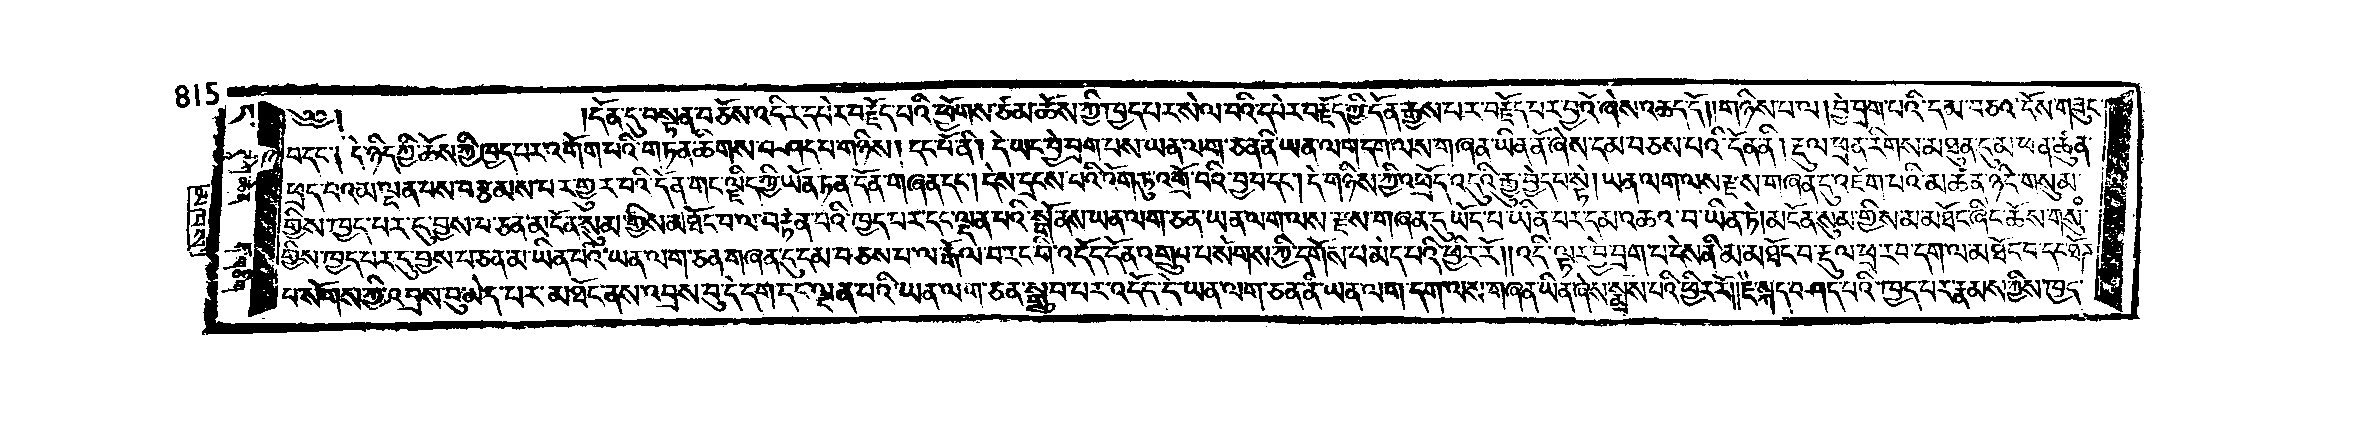༄༅། །དོན་དུ་བསྟན་བཅོས་འདིར་དཔེར་བརྗོད་པའི་ཕྱོགས་ཙམ་ཆོས་ཀྱི་ཁྱད་པར་སེལ་བའི་དཔེར་བརྗོད་ཀྱི་དོན་རྒྱས་པར་བརྗོད་པར་བྱའོ་ཞེས་འཆད་དོ། །གཉིས་པ་ལ། བྱེ་བྲག་པའི་དམ་བཅའ་ངོས་གཟུང་
བ་དང་། དེ་ཉིད་ཀྱི་ཆོས་ཀྱི་ཁྱད་པར་འགོག་པའི་གཏན་ཚིགས་བཤད་པ་གཉིས། དང་པོ་ནི། དེ་ཡང་བྱེ་བྲག་པས་ཡན་ལག་ཅན་ནི་ཡན་ལག་དག་ལས་གཞན་ཡིན་ནོ་ཞེས་དམ་བཅས་པའི་དོན་ནི། རྡུལ་ཕྲན་རིགས་མཐུན་དུ་མ་ཕན་ཚུན་
ཕྲད་པའམ་ལྡན་པས་བརྩམས་པར་གྱུར་བའི་དོན་གང་ལྗིད་ཀྱི་ཡོན་ཏན་དོན་གཞན་དང་། དེས་དྲངས་པའི་འོག་ཏུ་འགྲོ་བའི་བྱ་བ་དང་། དེ་གཉིས་ཀྱི་འཕྲོད་འདུའི་རྒྱུ་བྱེད་པ་སྟེ། ཡན་ལག་ལས་རྫས་གཞན་དུ་འཇོག་པའི་མཚན་ཉིད་གསུམ་
གྱིས་ཁྱད་པར་དུ་བྱས་པ་ཅན་མངོན་སུམ་གྱིས་མཐོང་བ་ལ་བརྟེན་པའི་ཁྱད་པར་དང་ལྡན་པའི་སྒོ་ནས་ཡན་ལག་ཅན་ཡན་ལག་ལས་རྫས་གཞན་དུ་ཡོད་པ་ཡིན་པར་དམ་འཆའ་བ་ཡིན་ཏེ། མངོན་སུམ་གྱིས་མ་མཐོང་ཞིང་ཆོས་གསུམ་
གྱིས་ཁྱད་པར་དུ་བྱས་པ་ཅན་མ་ཡིན་པའི་ཡན་ལག་ཅན་གཞན་དུ་དམ་བཅས་པ་ལ་རྒོལ་བ་རང་གི་འདོད་དོན་འགྲུབ་པ་སོགས་ཀྱི་དགོས་པ་མེད་པའི་ཕྱིར་རོ། །འདི་ལྟར་བྱེ་བྲག་པ་དེས་ནི་མ་མཐོང་བ་རྡུལ་ཕྲ་རབ་དག་ལ་མཐོང་བ་དང་ཐོགས་
པ་སོགས་ཀྱི་འབྲས་བུ་མེད་པར་མཐོང་ནས་འབྲས་བུ་དེ་དག་དང་ལྡན་པའི་ཡན་ལག་ཅན་སྒྲུབ་པར་འདོད་དེ་ཡན་ལག་ཅན་ནི་ཡན་ལག་དག་ལས་གཞན་ཡིན་ཞེས་སྨྲས་པའི་ཕྱིར་རོ། །ཇི་སྐད་བཤད་པའི་ཁྱད་པར་རྣམས་ཀྱིས་ཁྱད་